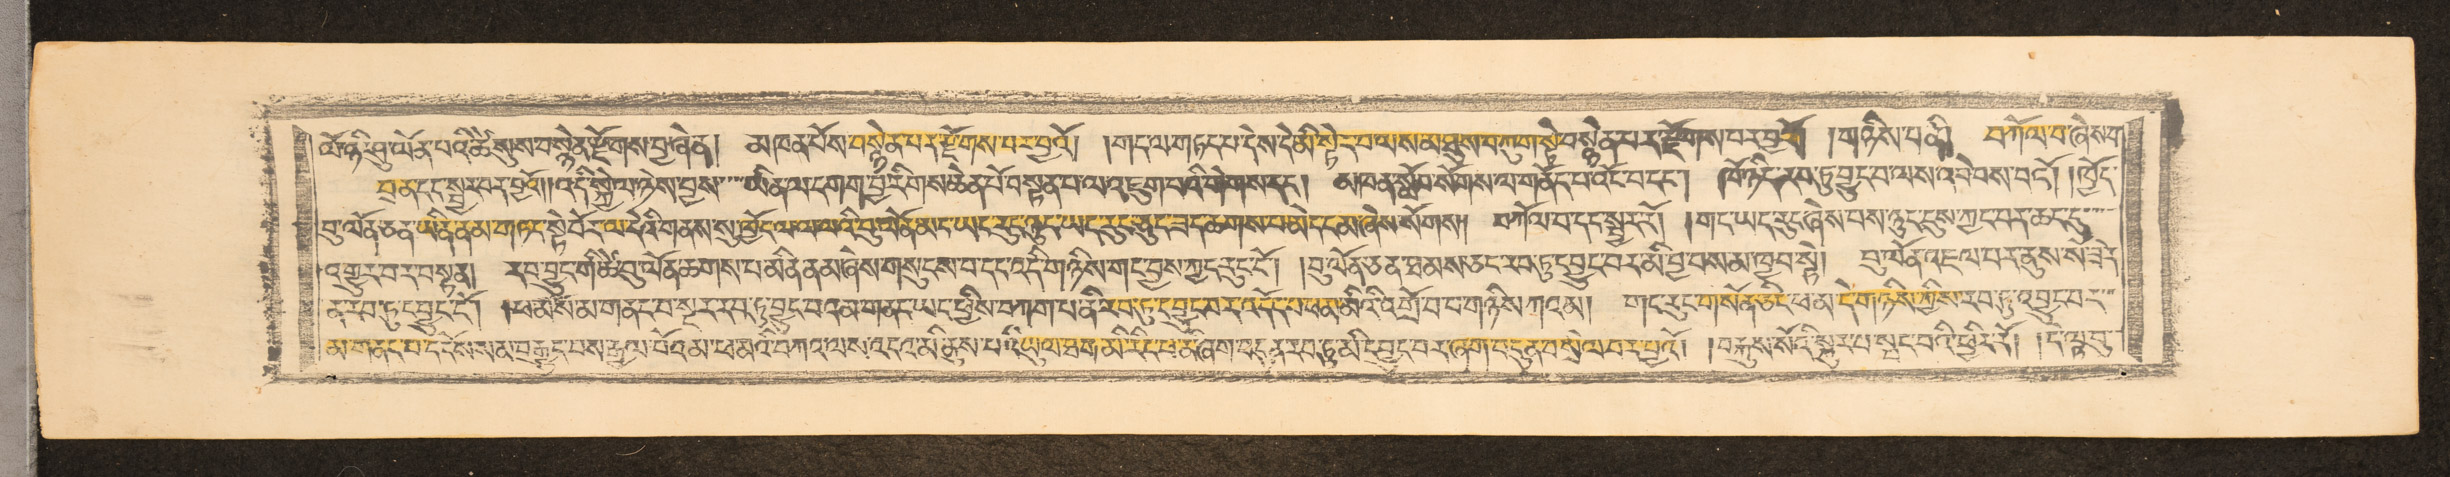ལོ་ཉི་ཤུ་ལོན་པའི་ཚེ་སུས་བསྙེན་རྫོགས་བྱ་ཞེ་ན། མཁན་པོས་བསྙེན་པར་རྫོགས་པར་བྱའོ། །གང་ལ་གཏད་པ་དེས་དེ་མི་སྟེར་བ་ལས་མཐུས་བཀུག་སྟེ་བསྙེན་པར་རྫོགས་པར་བྱའོ། །གཉིས་པ་ནི། བཀོལ་བ་ཞེས་པ་
བྲན་དང་སྦྱར་བར་བྱའོ།། འདི་སྐྱེ་ལ་ཉེས་བྱས་ཡིན་ལ་དགག་བྱ་རིགས་ཆེན་པོ་བསྟན་པ་ལ་འཇུག་པའི་གེགས་དང་། མཁན་སློབ་སོགས་ལ་གནོད་པ་འོང་བ་དང་། ཁོ་ཉིད་རབ་ཏུ་བྱུང་བ་ལས་འབེབས་པའོ། །ཁྱོད་
བུ་ལོན་ཅན་ཡིན་ནམ་གཏང་སྟེ་བོར་ལ་དེའི་གནས་སུ་ཁྱོད་ལ་ལ་ལའི་བུ་ལོན་མང་ཡང་རུང་ཉུང་ཡང་རུང་ཅུང་ཟད་ཆགས་པ་མེད་དམ་ཞེས་སོགས། བཀོལ་བ་དང་སྦྱར་རོ། །གང་ཡང་རུང་ཞེས་པས་ཉུང་ངུས་ཀྱང་བར་ཆད་དུ་
འགྱུར་བར་བསྟན། རབ་བྱུང་གི་ཚེ་བུ་ལོན་ཆགས་པ་མིན་ནམ་ཞེས་གསུངས་པ་དང་འདི་གཉིས་གང་བྱས་ཀྱང་རུང་ངོ། །བུ་ལོན་ཅན་ཐམས་ཅད་རབ་ཏུ་དབྱུང་བར་མི་བྱ་བས་མ་ཁྱབ་སྟེ། བུ་ལོན་འཇལ་བར་ནུས་སོ་ཟེར་
ན་རབ་ཏུ་དབྱུང་ངོ། །ཕ་མས་མ་གནང་བ་སྔར་རབ་ཏུ་བྱུང་བའམ་གནང་ཡང་ཕྱིས་བཀག་པ་ནི་རབ་ཏུ་དབྱུང་བར་འདོད་པ་ཕ་མ་མིའི་འགྲོ་བ་པ་གཉིས་ཀའམ། གང་རུང་གསོན་ཅིང་ཕ་མ་དེ་གཉིས་ཀྱིས་རབ་ཏུ་འབྱུང་བར་
མ་གནང་བ་དངོས་སམ་བརྒྱུད་བས་རྒྱལ་པོའམ་ཕ་མའི་བཀའ་ལས་འདའ་མི་ནུས་པའི་ཡུལ་ཐག་མི་རིང་བ་ནི་ཞག་བདུན་རབ་ཏུ་མི་དབྱུང་བར་ཞག་བདུན་བསྲེལ་བར་བྱའོ། །བརྐུས་སོའི་སྐུར་བ་སྤང་བའི་ཕྱིར་རོ། །དེ་ལྟ་བུ་